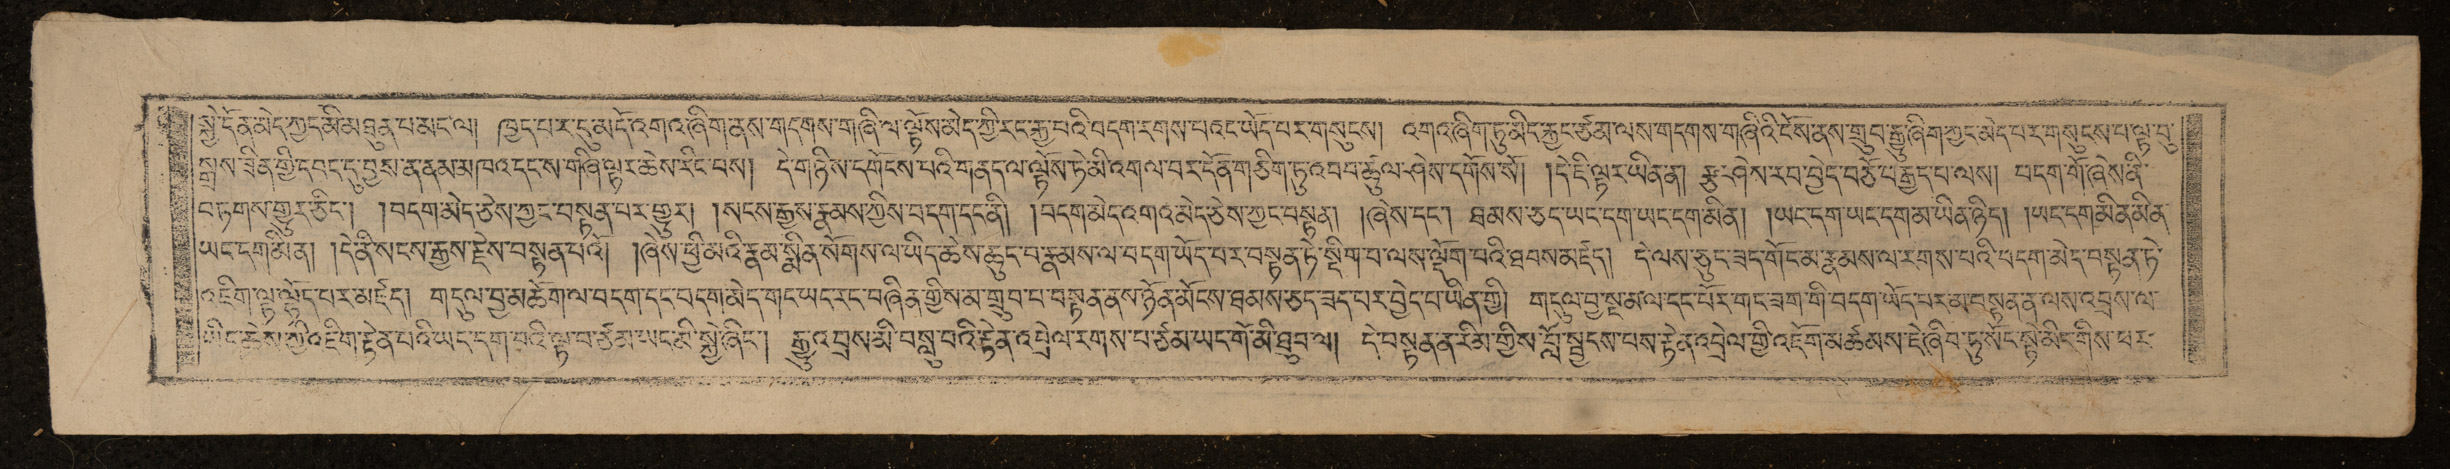སྐྱེ་དོན་མེད་ཀྱང་མི་མཐུན་པ་མངལ། ཁྱད་པར་དུ་མདོ་འགའ་ཞིག་ནས་གདགས་གཞི་ལ་ལྟོས་མེད་ཀྱི་རང་རྒྱ་བའི་བདག་རིགས་པའང་མོད་བར་གསུངས། འགའ་ཞིག་ཏུ་མིད་རྐྱང་ཙམ་ལས་གདགས་གཞིའི་ངོས་ནས་གྲུབ་རྒྱུ་ཞིག་ཀྱང་མེད་བར་གསུངས་པ་ལྟ་བུ་
སྒྲས་ཟིན་གྱི་དབང་དུ་བྱས་ན་ནམ་མཁའ་དང་ས་གཞི་ལྟར་ཆེས་རིང་བས། དེ་གཉིས་དགོངས་པའི་གནད་ལ་ལྟོས་ཏེ་མི་འགལ་བར་དོན་གཅིག་ཏུ་འབབ་ཚུལ་ཤེས་དགོས་སོ། །དེ་ཇི་ལྟར་ཡིན་ན། རྩ་ཤེས་རབ་བྱེད་བཅོ་བརྒྱད་པ་ལས། བདག་གོ་ཞེས་ནི་
བཏགས་གྱུར་ཅིང་། །བདག་མེད་ཅེས་ཀྱང་བསྟན་པར་གྱུར། །སངས་རྒྱས་རྣམས་ཀྱིས་བདག་དང་ནི། །བདག་མེད་འགའ་མེད་ཅེས་ཀྱང་བསྟན། །ཞེས་དང་། ཐམས་ཅད་ཡང་དག་ཡང་དག་མིན། །ཡང་དག་ཡང་དག་མ་ཡིན་ཉིད། །ཡང་དག་མིན་མིན་
ཡང་དག་མིན། །དེ་ནི་སངས་རྒྱས་རྗེས་བསྟན་པའོ། །ཞེས་ཕྱི་མའི་རྣམ་སྨོན་སོགས་ལ་ཡིད་ཆེས་ཆུང་བ་རྣམས་ལ་བདག་ཡོད་བར་བསྟན་ཏོ་སྡིག་པ་ལས་ལྡོག་པའི་ཐབས་མཛད། དེ་ལས་ཅུང་ཟད་གོང་མ་རྣམས་ལ་རགས་པའི་བདག་མེད་བསྟན་ཏེ་
འཇིག་ལྟ་ལྟོད་བར་མཛད། གདུལ་བྱ་མཆོག་ལ་བདག་དང་བདག་མེད་གང་ཡང་རང་བཞིན་གྱིས་མ་གྲུབ་པ་བསྟན་ནས་ཉོན་མོངས་ཐམས་ཅད་ཟད་བར་བྱེད་བ་ཡིན་གྱི། གདུལ་བྱ་སྔ་མ་ལ་དང་པོར་གང་ཟག་གི་བདག་ཡོད་པར་མ་བསྟན་ན་ལས་འབྲས་ལ་
ཡིད་ཆེས་ཀྱི་འཇིག་རྟེན་བའི་ཡང་དག་བའི་ལྟ་བ་ཙམ་ཡང་མི་སྐྱེ་ཞིང་། རྒྱུ་འབྲས་མི་བསླུ་བའི་རྟེན་འབྲེལ་རགས་པ་ཙམ་ཡང་གོ་མི་ཐུབ་ལ། དེ་བསྟན་ན་རིམ་གྱིས་བློ་སྦྱངས་པས་རྟེན་འབྲེལ་གྱི་འཇོག་མ་ཚམས་ཇེ་ཞིབ་ཏུ་སོང་སྟེ་མི་རིགས་ཕར་